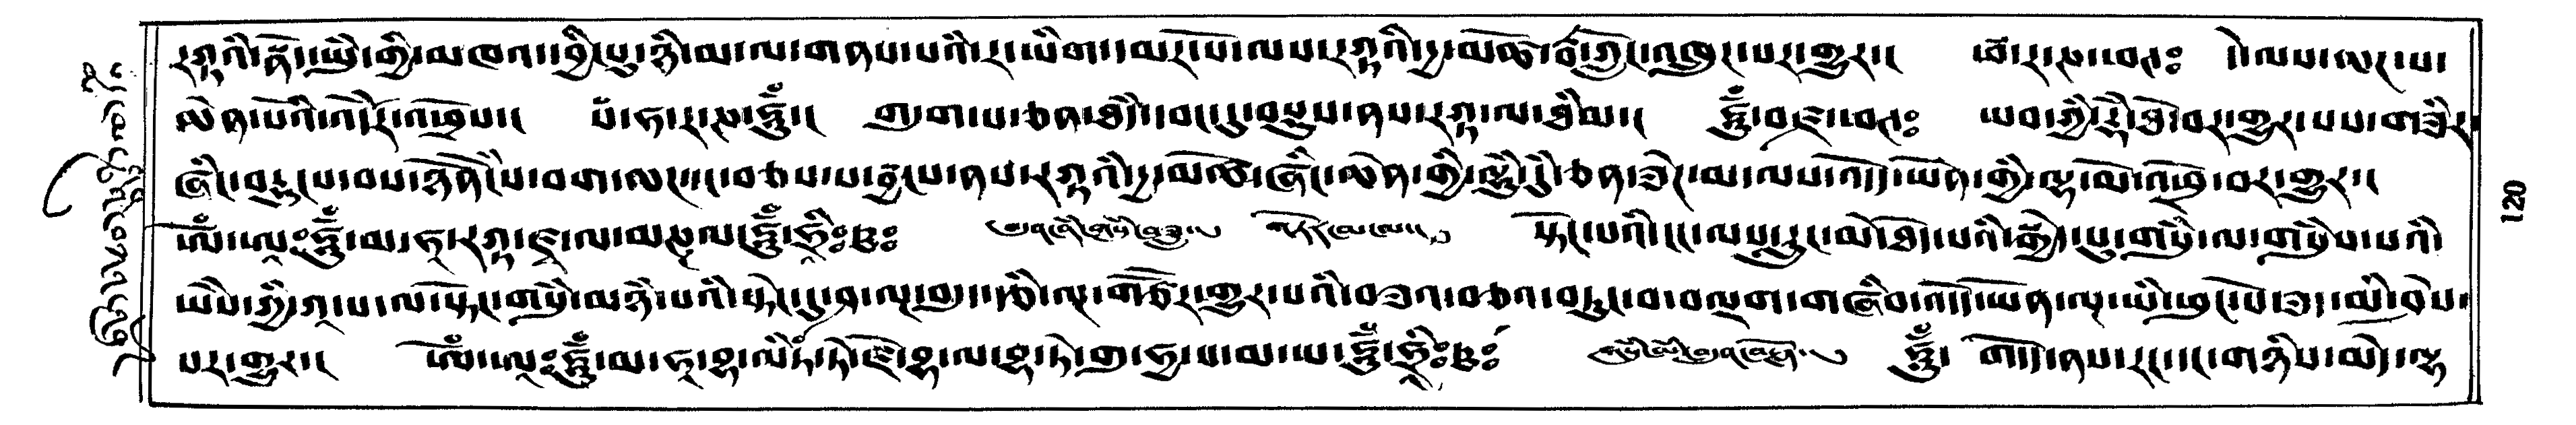རཀྟའི་སྣོད་ཡུམ་གྱི་མཁའ་དབྱིངས་སུ་ཉི་མ་ལ་གནས་པའི་ར་ཡིག་དམར་པོ་ལས་རཀྟའི་རྒྱ་མཚོ་རྦ་ཀློང་འཁྲུགས་པར་གྱུར། སྥ་ར་ཎ་ཕཊཿ དེ་ལས་ཆགས་པ་
ཆེན་པོའི་འོད་ཟེར་འཕྲོས། སཾ་ཧ་ར་ཎ་ཧཱུྃ། གདུག་པ་ཅན་ཐམས་ཅད་དབང་དུ་བསྡུས་ནས་རཀྟ་ལ་ཐིམ། ཧཱུྃ་བཛྲ་ཕཊཿ ཡབ་ཀྱི་རྡོ་རྗེ་ཐོ་བར་གྱུར་པས་གཟིར་
ཞིང་བརྡུངས་བས་ཉོན་མོངས་བག་ཆགས་དང་བཅས་པ་སྦྱངས་ནས་རཀྟའི་རྒྱ་མཚོ་ཞིང་ཆེན་གྱི་ལྷུམ་དུམ་ཅན་ཟེགས་མ་ལས་འདོད་ཡོན་གྱི་ལྷ་མོ་འཕྲོ་བར་གྱུར།
ཨོཾ་ཨཱཿཧཱུྃ་མ་ཧཱ་རཀྟ་ཛྭ་ལ་མཎྜལ་ཧཱུྃ་ཧྲཱིཿཋཿ བདུན་ནམ་གསུམ་བཟླ། གཏོར་མ་ལ། སྟོང་པའི་ངང་ལས་རླུང་མེ་ཐོད་པའི་སྒྱེད་པུ་གསུམ་ལ་བརྟེན་པའི་
ཡེ་ཤེས་ཀྱི་ཀཱ་པ་ལ་སྟོང་གསུམ་མཉམ་པའི་སྟེང་དུ་ཤ་ལྔ་བདུད་རྩི་ལྔ་གཙོ་བོར་གྱུར་པའི་བཟའ་བཅའ་བཏུང་བ་ལྡག་གཞིབ་འདོད་ཡོན་ལྔའི་ཕུང་པོ་ཟད་མི་ཤེས་
པར་གྱུར། ཨོཾ་ཨཱཿཧཱུྃ་མ་ཧཱ་བྷ་ལིཏཾ་ཏེ་ཛོ་བྷ་ལི་ཏཾ་བྷ་ལ་བྷ་ཏེ་གུ་ཧྱ་ས་མ་ཡ་ཧཱུྃ་ཧྲཱིཿཋཿ གསུམ་མམ་བདུན་བརྗོད། ཧཱུྃཿ གདོད་ནས་རང་དང་གཉིས་མེད་ལྷ།